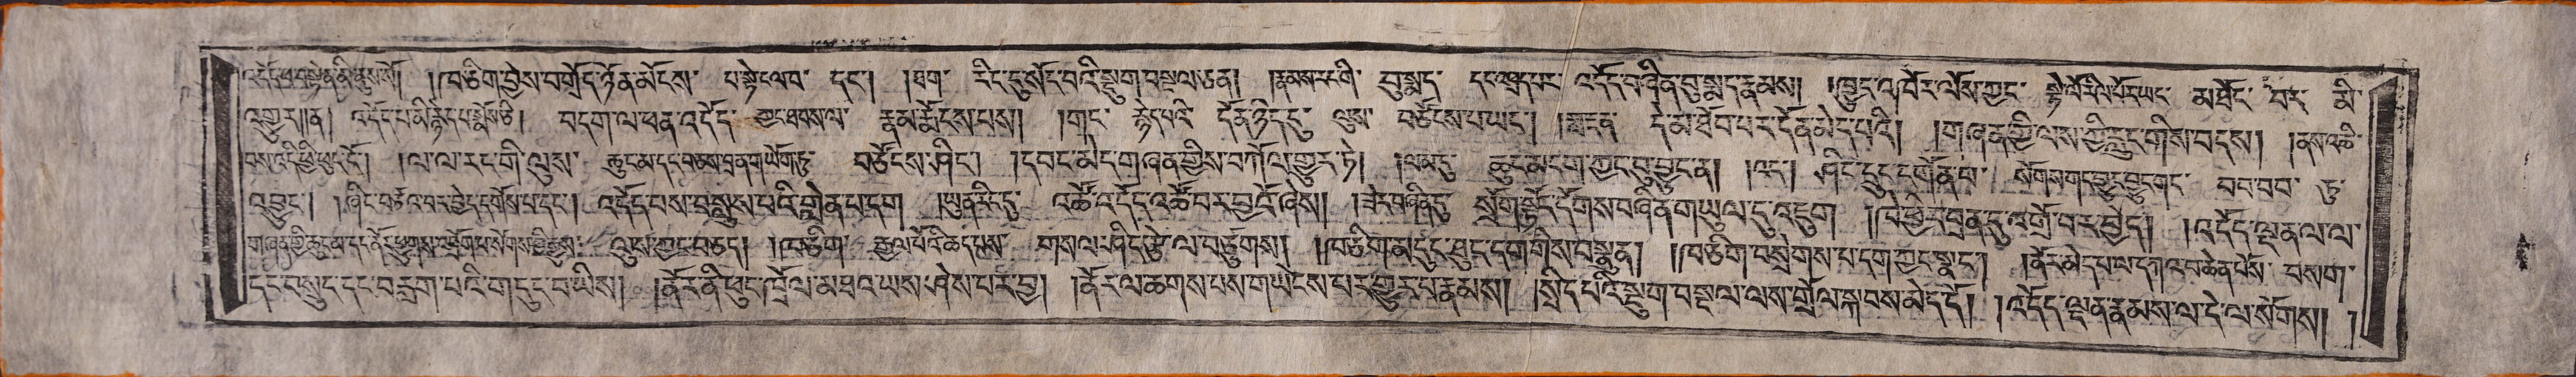འདོད་པ་བསྟེན་མི་ནུས་སོ། །ཁ་ཅིག་བྱེས་བགྲོད་ཉོན་མོངས་པ་སྟེ་ངལ་བ་དང་། །ཐག་རིང་དུ་སོང་བའི་སྡུག་བསྔལ་ཅན། །རྣམས་རང་གི་བུ་སྨད་དང་འཕྲད་པར་འདོད་བཞིན་བུ་སྨད་རྣམས། །ཁྱུད་འཁོར་ལོས་ཀྱང་སྟེ་ལོ་རིལ་པོར་ཡང་མཐོང་བར་མི་
འགྱུར། །ན། འདོད་པ་མི་རྙེད་པ་སྨོས་ཅི།  བདག་ལ་ཕན་འདོད་ཀྱང་ཐབས་ལ་རྣམ་རྨོངས་པས། །གང་རྙེད་བའི་དོན་ཉིད་དུ་ལུས་བཙོངས་པ་ཡང་། །གླ་རྔན་དེ་མ་ཐོབ་པར་དོན་མེད་པའི། །གཞན་གྱི་ལས་ཀྱི་རླུང་གིས་བདས། །ནས་འཆི་
བས་འདི་ཕྱི་ཕུང་ངོ། །ལ་ལ་རང་གི་ལུས་ཆུ་ངམ་དང་བཅས་བྲན་གཡོག་ཏུ་བཙོངས་ཤིང་། །དབང་མེད་གཞན་གྱིས་བཀོལ་གྱུར་ཏེ། །ལམ་དུ་ཆུང་མ་དག་ཀྱང་བུ་བྱུང་ན། །འང་། ཤིང་དྲུག་དགོན་པ་སོགས་གང་བྱུང་བྱུང་གང་བབ་བབ་ཏུ་
འབྱུང་། །ཞིང་བཙའ་བར་བྱེད་དགོས་པ་དང་འདོད་པས་བསླུས་པའི་གླེན་པ་དག་།ཡུན་རིང་དུ་འཚོ་འདོད་འཚོ་བར་བྱའོ་ཞེས། །ཟེར་བཞིན་དུ་སྲོག་སྟོར་དོགས་བཞིན་གཡུལ་དུ་འཇུག །ཁེ་ཕྱིར་བྲན་དུ་འགོ་བར་བྱེད། །འདོད་ལྡན་ལ་ལ་
གཞན་གྱི་ཆུང་མ་དང་ནོར་ཕྱུགས་འཕྲོག་པ་སོགས་ཀྱི་རྒྱུས་ལུས་ཀྱང་བཅད། །ཁ་ཅིག་རྒྱལ་པོའི་ཆད་པས་གསལ་ཤིང་རྩེ་ལ་བཙུགས། །ཁ་ཅིག་མདུང་ཐུང་དག་གིས་བསྣུན། །ཁ་ཅིག་བསྲེགས་བདག་ཀྱང་སྣང་། །ནོར་མེད་བ་ལ་དཀའ་བ་ཆེན་པོས་བསག་
དང་བསྲུང་དང་བརླག་པའི་གདུང་བ་ཡིས། །ནོར་ནི་ཕུང་ཁྲོལ་མཐའ་ཡས་ཤེས་པར་བྱ། །ནོར་ལ་ཆགས་པས་གཡེངས་པར་གྱུར་པ་རྣམས། །སྲིད་པའི་སྡུག་བསྔལ་ལས་གྲོལ་སྐབས་མེད་དོ། །འདོད་ལྡན་རྣམས་ལ་དེ་ལ་སོགས། །